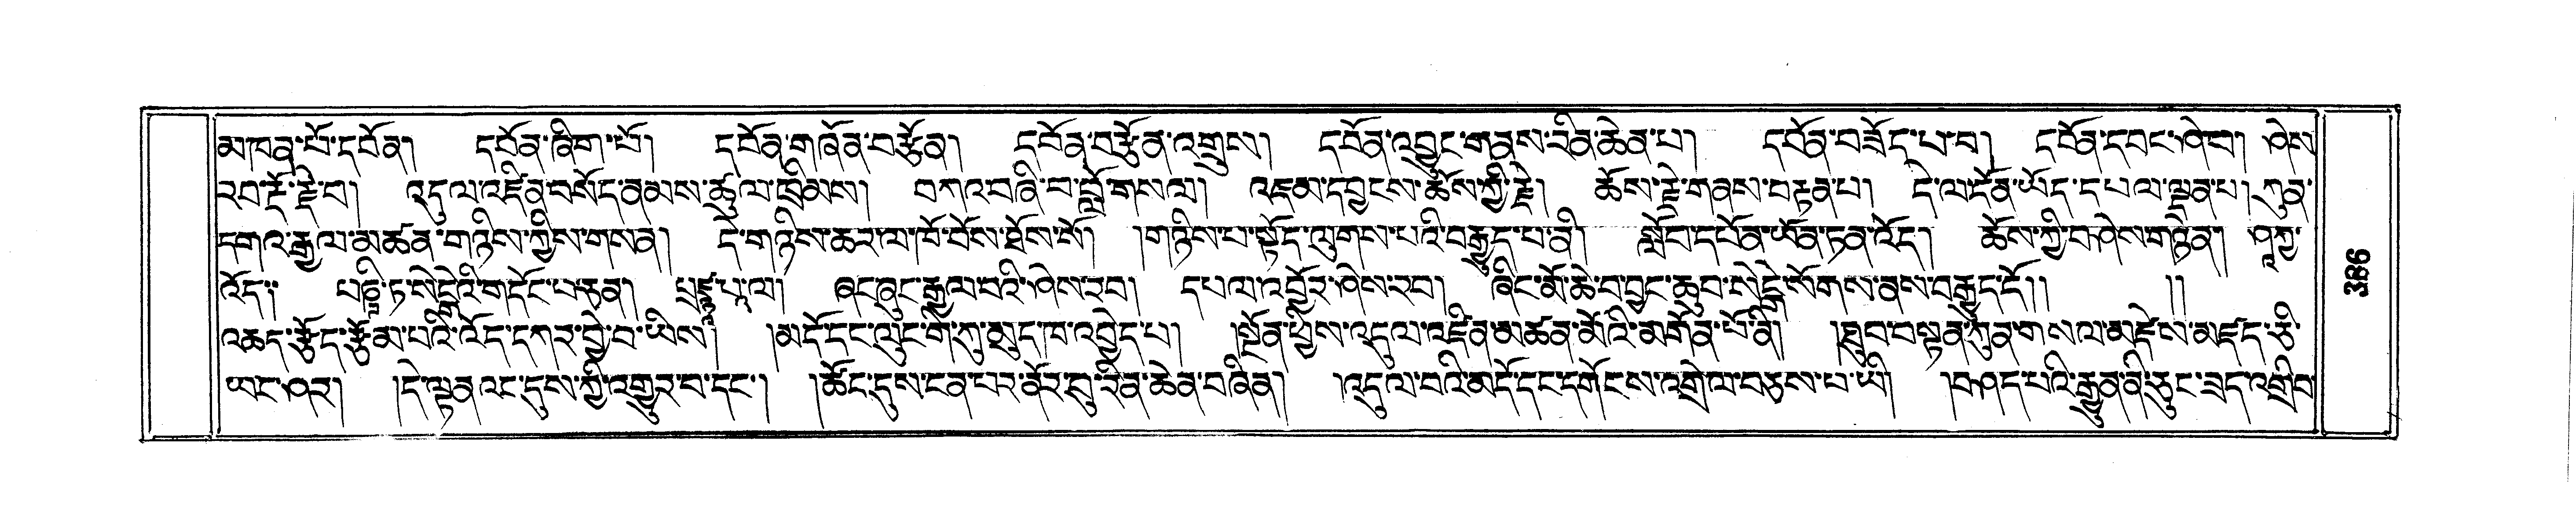མཁན་པོ་དབོན། དཔོན་ཞིག་པོ། དབོན་གཞོན་བརྩོན། དབོན་བརྩོན་འགྲུས། དབོན་འབྱུང་གནས་རིན་ཆེན་པ། དབོན་བཟོད་པ་བ། དབོན་དབང་ཤེ་བ། ཤེས་
རབ་རྡོ་རྗེ་བ། འདུལ་འཛིན་བསོད་ནམས་ཚུལ་ཁྲིམས། བཀའ་བཞི་བ་བློ་གསལ། འཇམ་དབྱངས་ཆོས་ཀྱི་རྗེ། ཆོས་རྗེ་གནས་བརྟན་པ། དེ་ལ་དོན་ཡོད་དཔལ་ལྡན་པ། ཀུན་
དགའ་རྒྱལ་མཚན་གཉིས་ཀྱིས་གསན། དེ་གཉིས་ཆར་ལ་ཁོ་བོས་ཐོས་སོ། །གཉིས་པ་སྟོད་ལུགས་པའི་བརྒྱུད་པ་ནི། སློབ་དཔོན་ཡོན་ཏན་འོད། ཆོས་ཀྱི་བཤེས་གཉེན། ཤྰྐྱ་
འོད༑ པཎྜི་ཏ་སེངྒེའི་གདོང་པ་ཅན། པྲཛྙཱ་པཱ་ལ། ཞང་ཞུང་རྒྱལ་བའི་ཤེས་རབ། དཔལ་འབྱོར་ཤེས་རབ། ཞིང་མོ་ཆེ་བ་བྱང་ཆུབ་སེངྒེ་སོགས་ནས་བརྒྱུད་དོ།། །།
འཆད་རྩོད་རྩོམ་པའི་འོད་དཀར་བྱེ་བ་ཡིས། །མདོ་དང་ལུང་གི་ཀུ་མུད་ཁ་འབྱེད་པ། །སྔོན་ཕྱིས་འདུལ་འཛིན་མཚན་མོའི་མགོན་པོ་ནི། །ཐུབ་བསྟན་ཀུན་གསལ་མཛེས་མཛད་ཅི་
ཡང་ཤར། །དེ་ལྟན་འང་དུས་ཀྱི་འགྱུར་བ་དང་། །ཚོང་དུས་ངན་པར་ནོར་བུ་རིན་ཆེན་བཞིན། །འདུལ་བའི་མདོ་དང་དགོངས་འགྲེལ་བཅས་པ་ཡི། །བཤད་པའི་རྒྱུན་ནི་ཅུང་ཟད་འགྲིབ་